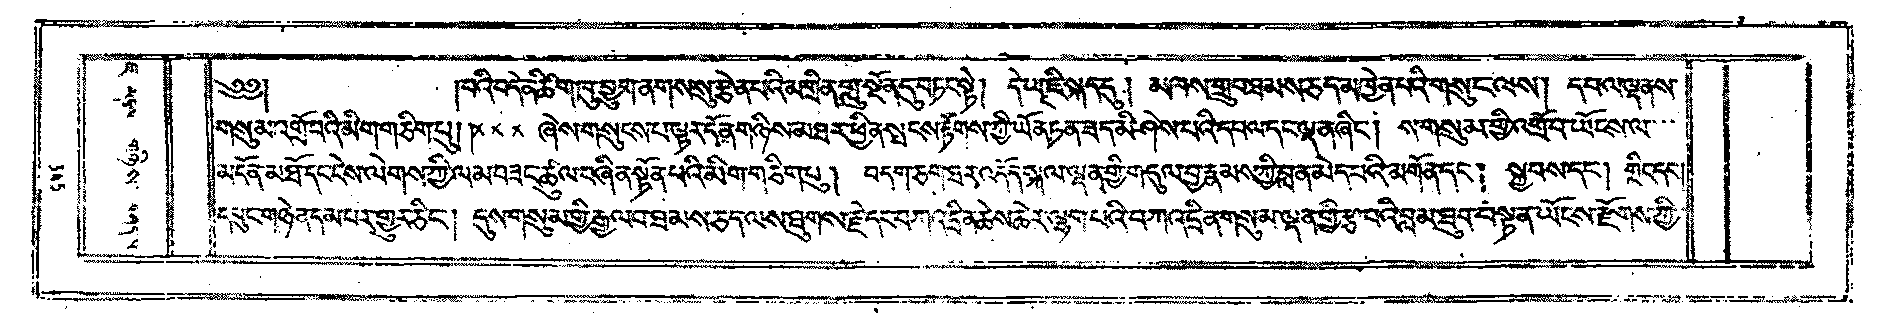༄༅། །བའི་བདེན་ཚིག་ཁུ་བྱུག་ནགས་སུ་རྩེན་པའི་མགྲིན་གླུ་སྔོན་དུ་བཏང་སྟེ། དེ་ཡང་ཇི་སྐད་དུ། མཁས་གྲུབ་ཐམས་ཅད་མཁྱེན་པའི་གསུང་ལས། དཔལ་ལྡན་ས་
གསུམ་འགྲོ་བའི་མིག་གཅིག་པུ། །྾་྾་྾་ཞེས་གསུངས་པ་ལྟར་དོན་གཉིས་མཐར་ཕྱིན་སྤངས་རྟོགས་ཀྱི་ཡོན་ཏན་ཟད་མི་ཤེས་པའི་དཔལ་དང་ལྡན་ཞིང་། ས་གསུམ་གྱི་འགྲོ་བ་ཡོངས་ལ་
མངོན་མཐོ་དང་ངེས་ལེགས་ཀྱི་ལམ་བཟང་ཚུལ་བཞིན་སྟོན་པའི་མིག་གཅིག་པུ། བདག་ཅག་ཐར་འདོད་སྐལ་ལྡན་གྱི་གདུལ་བྱ་རྣམས་ཀྱི་བླ་ན་མེད་པའི་མགོན་དང་། སྐྱབས་དང་། གླིང་དང་།
དཔུང་གཉེན་དམ་པར་གྱུར་ཅིང་། དུས་གསུམ་གྱི་རྒྱལ་བ་ཐམས་ཅད་ལས་ཐུགས་རྗེ་དང་བཀའ་དྲིན་ཆེས་ཆེར་ལྷག་པའི་བཀའ་དྲིན་གསུམ་ལྡན་གྱི་རྩ་བའི་བླ་མ་ཐུབ་བསྟན་ཡོངས་རྫོགས་ཀྱི་